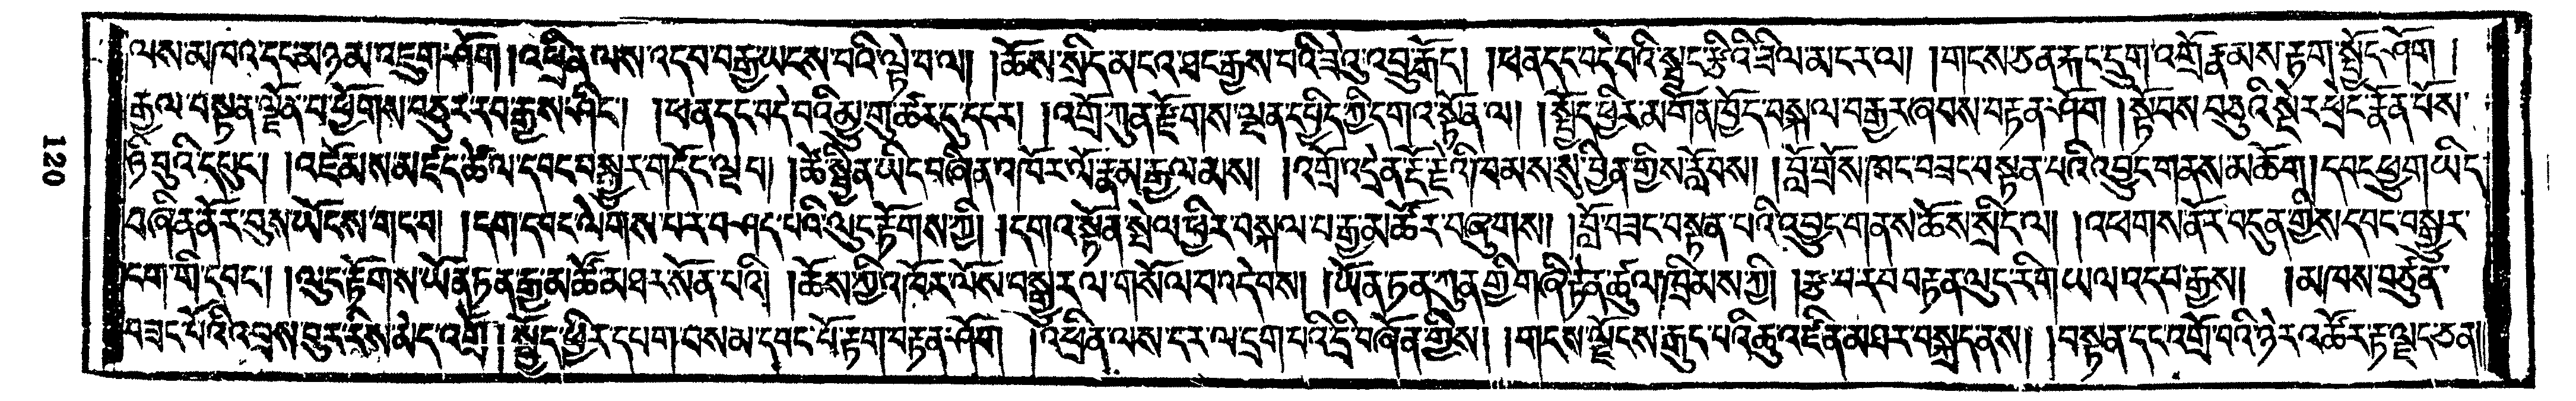ལས་མཁའ་དང་མཉམ་འཇུག་ཤོག །འཕྲིན་ལས་འདབ་བརྒྱ་ཡངས་པའི་ལྟེ་བ་ལ། །ཆོས་སྲིད་མངའ་ཐང་རྒྱས་པའི་ཟེའུ་འབྲུ་རྒོད། །ཕན་དང་བདེ་བའི་སྦྲང་རྩིའི་ཟིལ་མངར་ལ། །གངས་ཅན་རྐང་དྲུག་འགྲོ་རྣམས་རྟག་སྤྱོད་ཤོག །
རྒྱལ་བསྟན་ལྗོན་པ་ཕྱོགས་བཅུར་རབ་རྒྱས་ཤིང་། །ཕན་དང་བདེ་བའི་མྱུ་གུ་ཚར་དུ་དངར། །འགྲོ་ཀུན་རྫོགས་ལྡན་དཔྱིད་ཀྱི་དགའ་སྟོན་ལ། །སྤྱོད་ཕྱིར་མགོན་ཁྱོད་བསྐལ་བརྒྱར་ཞབས་བརྟན་ཤོག །སྟོབས་བཅུའི་སྔེར་ཕྲེང་རྣོན་པོས་
ཉི་བུའི་དཔུང་། །འཇོམས་མཛད་ཚེ་ལ་དབང་བསྒྱུར་གདོང་ལྔ་པ། །ཚེ་སྦྱིན་ཡིད་བཞིན་འཁོར་ལོ་རྣམ་རྒྱལ་མས། །འགྲོ་འདྲེན་རྡོ་རྗེའི་ཁམས་སུ་བྱིན་གྱིས་རློབས། །བློ་གྲོས་ཁང་བཟང་བསྟན་པའི་འབྱུང་གནས་མཆོག །དབང་ཕྱུག་ཡིད་
བཞིན་ནོར་བུས་ཡོངས་གང་བ། །དག་དབང་ལེགས་པར་བཤད་པའི་ལུང་རྟོགས་ཀྱི། །དགའ་སྟོན་སྤེལ་ཕྱིར་བསྐལ་པ་རྒྱ་མཚོར་བཞུགས། །བློ་བཟང་བསྟན་པའི་འབྱུང་གནས་ཆོས་སྲིད་ལ། །འཕགས་ནོར་བདུན་གྱིས་དབང་བསྒྱུར་
ངག་གི་དབང་། །ལུང་རྟོགས་ཡོན་ཏན་རྒྱ་མཚོ་མཐར་སོན་པའི། །ཆོས་ཀྱི་འཁོར་ལོས་བསྒྱུར་ལ་གསོལ་བ་འདེབས། །ཡོན་ཏན་ཀུན་གྱི་གཞི་རྟེན་ཚུལ་ཁྲིམས་ཀྱི། །རྩ་བ་རབ་བརྟན་ལུང་རིག་ཡལ་འདབ་རྒྱས། །མཁས་བཙུན་
བཟང་པོའི་འབྲས་བུར་རིས་མེད་འགྲོ། སྤྱོད་ཕྱིར་དཔག་བསམ་དབང་པོ་རྟག་བརྟན་ཤོག །འཕྲིན་ལས་དར་ལ་དྲག་པའི་དྲི་བཞོན་གྱིས། །གངས་ལྗོངས་རྒུད་པའི་ཆུ་འཛིན་མཐར་བསྐྲད་ནས། །བསྟན་དང་འགྲོ་བའི་ཉེར་འཚོར་རྟ་ལྗང་ཅན།།